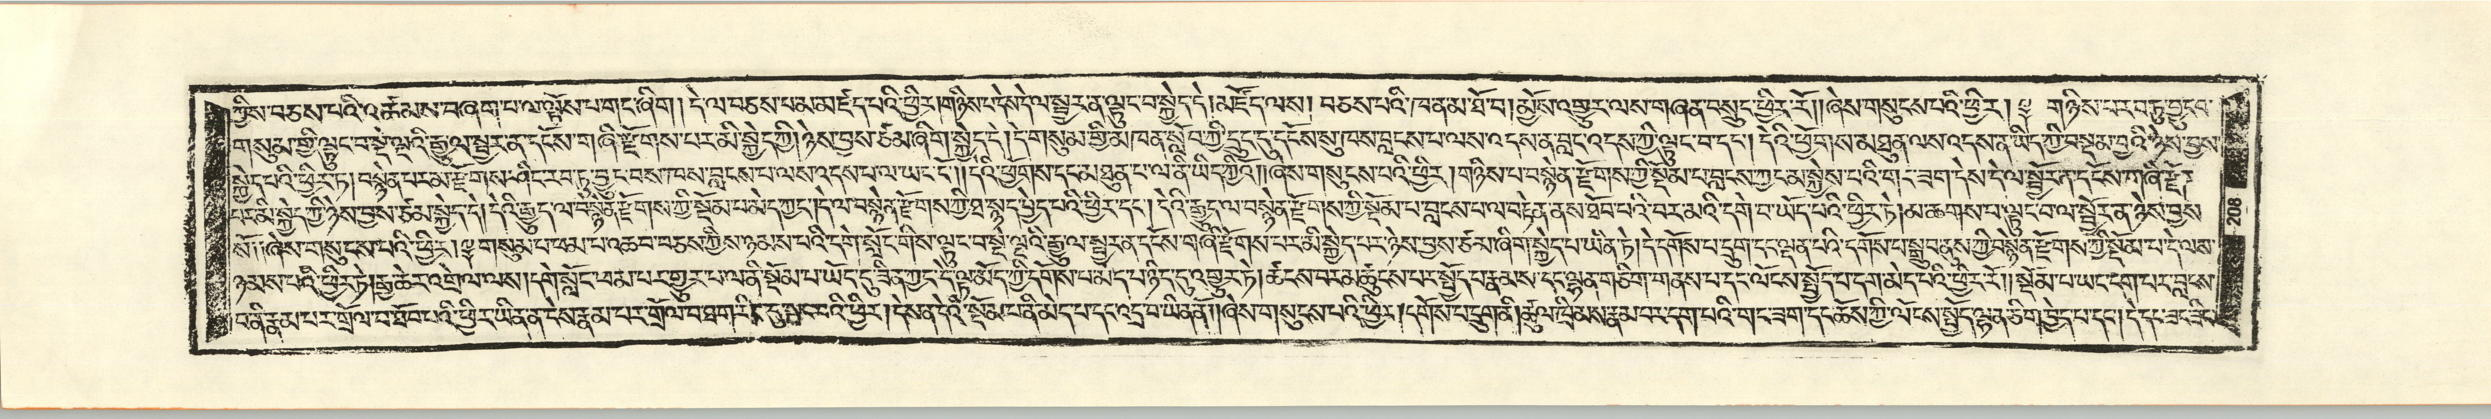ཀྱིས་བཅས་པའི་འཚམས་བཞག་པ་ལ་ལྟོས་པ་གང་ཞིག །དེ་ལ་བཅས་པ་མ་མཛད་པའི་ཕྱིར། གཉིས་པ་དེས་དེ་ལ་སྦྱར་ན་ལྟུང་བ་སྐྱེད་དེ། མཛོད་ལས། བཅས་པའི་ཁ་ན་མ་ཐོ་བ། མྱོས་འགྱུར་ལས་གཞན་བསྲུང་ཕྱིར་རོ། །ཞེས་གསུངས་པའི་ཕྱིར། ༈ གཉིས་པ་རབ་ཏུ་བྱུང་བ་
གསུམ་གྱི་ལྟུང་བ་སྡེ་ལྔའི་རྒྱུ་ལ་སྦྱར་ན་དངོས་གཞི་རྫོགས་པར་མི་སྐྱེད་ཀྱི། ཉེས་བྱས་ཙམ་ཞིག་སྐྱེད་དེ། དེ་གསུམ་གྱི་མཁན་སློབ་ཀྱི་དྲུང་དུ་དངོས་སུ་ཁས་བླངས་པ་ལས་འདས་ན་བླང་འདས་ཀྱི་ལྟུང་བ་དང་། དེའི་ཕྱོགས་མཐུན་ལས་འདས་ན་ཡིད་ཀྱི་བསྡམ་བྱའི་ཉེས་བྱས་
སྐྱེད་པའི་ཕྱིར་ཏ། བསྙེན་པར་མ་རྫོགས་ཤིང་རབ་ཏུ་བྱུང་བས་ཁས་བླངས་པ་ལས་འདས་པ་ལ་ཡང་ངོ། །དེའི་ཕྱོགས་དང་མཐུན་པ་ལ་ནི་ཡིད་ཀྱིའོ། །ཞེས་གསུངས་པའི་ཕྱིར། གཉིས་པ་བསྙེན་རྫོགས་ཀྱི་སྡོམ་པ་བླངས་ཀྱང་མ་སྐྱེས་པའི་གང་ཟག་དེས་དེ་ལ་སྦྱོར་ན་དངོས་གཞི་རྫོགས་
པར་མི་སྐྱེད་ཀྱི་ཉེས་བྱས་ཙམ་སྐྱེད་དེ། དེའི་རྒྱུད་ལ་བསྙེན་རྫོགས་ཀྱི་སྡོམ་པ་མེད་ཀྱང་། དེ་ལ་བསྙེན་རྫོགས་ཀྱི་ཐ་སྙད་བྱེད་པའི་ཕྱིར་དང་། དེའི་རྒྱུད་ལ་བསྙེན་རྫོགས་ཀྱི་སྡོམ་པ་བླངས་པ་ལ་བརྟེན་ནས་ཐོབ་པའི་བར་མའི་དགེ་བ་ཡོད་པའི་ཕྱིར་ཏེ། མ་ཆགས་པ་ལྟུང་བ་ལ་སྦྱོར་ན་ཉེས་བྱས་
སོ༑ ༑ཞེས་གསུངས་པའི་ཕྱིར། ༈ གསུམ་པ་ཕམ་པ་འཆབ་བཅས་ཀྱིས་ཉམས་པའི་དགེ་སློང་གིས་ལྟུང་བ་སྡེ་ལྔའི་རྒྱུ་ལ་སྦྱར་ན་དངོས་གཞི་རྫོགས་པར་མི་སྐྱེད་པར་ཉེས་བྱས་ཙམ་ཞིག་སྐྱེད་པ་ཡིན་ཏེ། དེ་དགོས་པ་དྲུག་དང་ལྡན་པའི་དགོས་པ་སྒྲུབ་ནུས་ཀྱི་བསྙེན་རྫོགས་ཀྱི་སྡོམ་པ་དེ་ལས་
ཉམས་པའི་ཕྱིར་ཏེ། རྒྱ་ཆེར་འགྲེལ་ལས། དགེ་སློང་ཕམ་པར་གྱུར་པ་ལ་ནི་སྡོམ་པ་ཡོད་དུ་ཟིན་ཀྱང་དེ་ལྟ་མོད་ཀྱི་དགོས་པ་མེད་པ་ཉིད་དུ་འགྱུར་ཏེ། ཚངས་བར་མཚུངས་པར་སྤྱོད་པ་རྣམས་དང་ལྷན་གཅིག་གནས་པ་དང་ལོངས་སྤྱོད་པ་དག་མེད་པའི་ཕྱིར་རོ། །སྡོམ་པ་ཡང་དག་པར་བླངས་
བ་ནི་རྣམ་པར་གྲོལ་བ་ཐོབ་པའི་ཕྱིར་ཡིན་ན་དེས་རྣམ་པར་གྲོལ་བ་ཐག་རིང་དུ་སྤང་བའི་ཕྱིར། དེས་ན་དེའི་སྡོམ་པ་ནི་མེད་པ་དང་འདྲ་བ་ཡིན་ནོ། །ཞེས་གསུངས་པའི་ཕྱིར། དགོས་པ་དྲུག་ནི། ཚུལ་ཁྲིསམ་རནམ་པར་དག་པའི་གང་ཟག་དང་ཆོས་ཀྱི་ལོངས་སྤྱོད་ལྷན་ཅིག་བྱེད་པ་དང་། དེ་དང་ཟང་ཟིང་